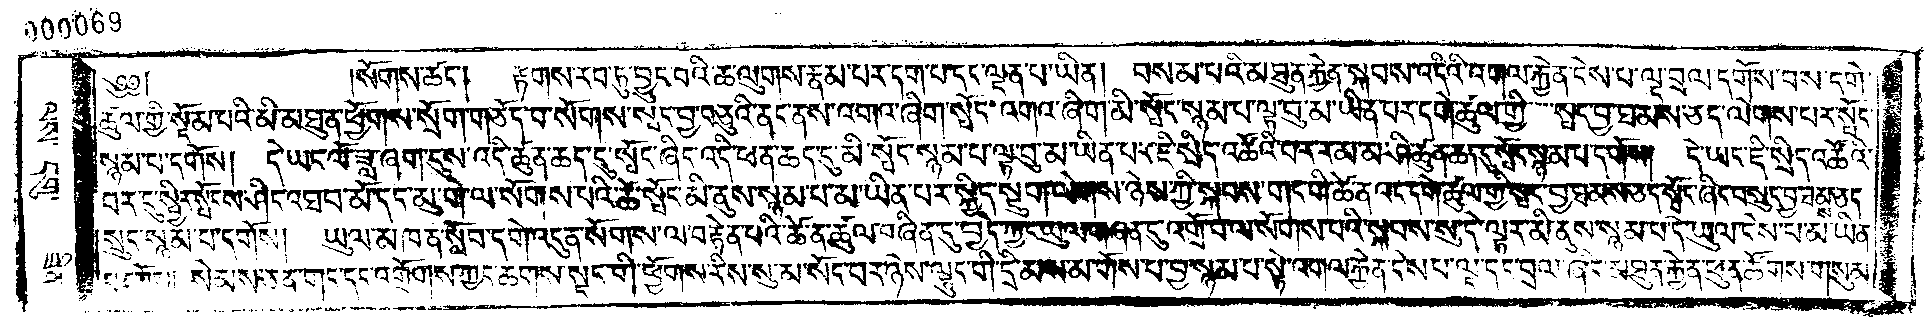༄༅། །སོགས་ཚང་། རྟགས་རབ་ཏུ་བྱུང་བའི་ཆ་ལུགས་རྣམ་པར་དག་པ་དང་ལྡན་པ་ཡིན། བསམ་པའི་མཐུན་རྐྱེན་སྐབས་འདིའི་འགལ་རྐྱེན་ངེས་པ་ལྔ་བྲལ་དགོས་བས་དགེ་
ཚུལ་གྱི་སྡོམ་པའི་མི་མཐུན་ཕྱོགས་སྲོག་གཅོད་པ་སོགས་སྤང་བྱ་བཅུའི་ནང་ནས་འགའ་ཞིག་སྤོང་འགའ་ཞིག་མི་སྤོང་སྙམ་པ་ལྟ་བུ་མ་ཡིན་པར་དགེ་ཚུལ་གྱི་སྤང་བྱ་ཐམས་ཅད་ལེགས་པར་སྤོང་
སྙམ་པ་དགོས། དེ་ཡང་ལོ་ཟླ་ཞག་དུས་འདི་ཚུན་ཆད་དུ་སྤོང་ཞིང་འདི་ཕན་ཆད་དུ་མི་སྤོང་སྙམ་པ་ལྟ་བུ་མ་ཡིན་པར་ཇི་སྲིད་འཚོའི་བར་རམ་མ་ཤི་ཚུན་ཆད་དུ་སྤོང་སྙམ་པ་དགོས། དེ་ཡང་ཇི་སྲིད་འཚོའི་
བར་དུ་སྤྱིར་སྤོངས་ཤིང་འཐབ་མོ་དང་མུ་གེ་ལ་སོགས་པའི་ཚེ་སྤོང་མི་ནུས་སྙམ་པ་མ་ཡིན་པར་སྐྱིད་སྡུག་ལེགས་ཉེས་ཀྱི་སྐབས་གང་གི་ཚེ་ནའང་དགེ་ཚུལ་གྱི་སྤང་བྱ་ཐམས་ཅད་སྤོང་ཞིང་བསྲུང་བྱ་ཐམས་ཅད་
སྲུང་སྙམ་པ་དགོས། ཡུལ་མཁན་སློབ་དགེ་འདུན་སོགས་ལ་བརྟེན་པའི་ཚེ་ན་ཚུལ་བཞིན་དུ་བྱེད་ཀྱང་ཡུལ་གཞན་དུ་འགྲོ་བ་ལ་སོགས་པའི་སྐབས་སུ་དེ་ལྟར་མི་ནུས་སྙམ་པ་དེ་ཡུལ་དེས་པ་མ་ཡིན་
པ་དགོས། སེམས་ཅན་གང་དང་འགྲོགས་ཀྱང་ཆགས་སྡང་གི་ཕྱོགས་རིས་སུ་མ་སོང་བར་ཉེས་ལྟུང་གི་དྲི་མས་མ་གོས་པ་བྱ་སྙམ་པ་སྟེ་འགལ་རྐྱེན་ངེས་པ་ལྔ་དང་བྲལ་ཞིང་མཐུན་རྐྱེན་ཕུན་ཚོགས་གསུམ་